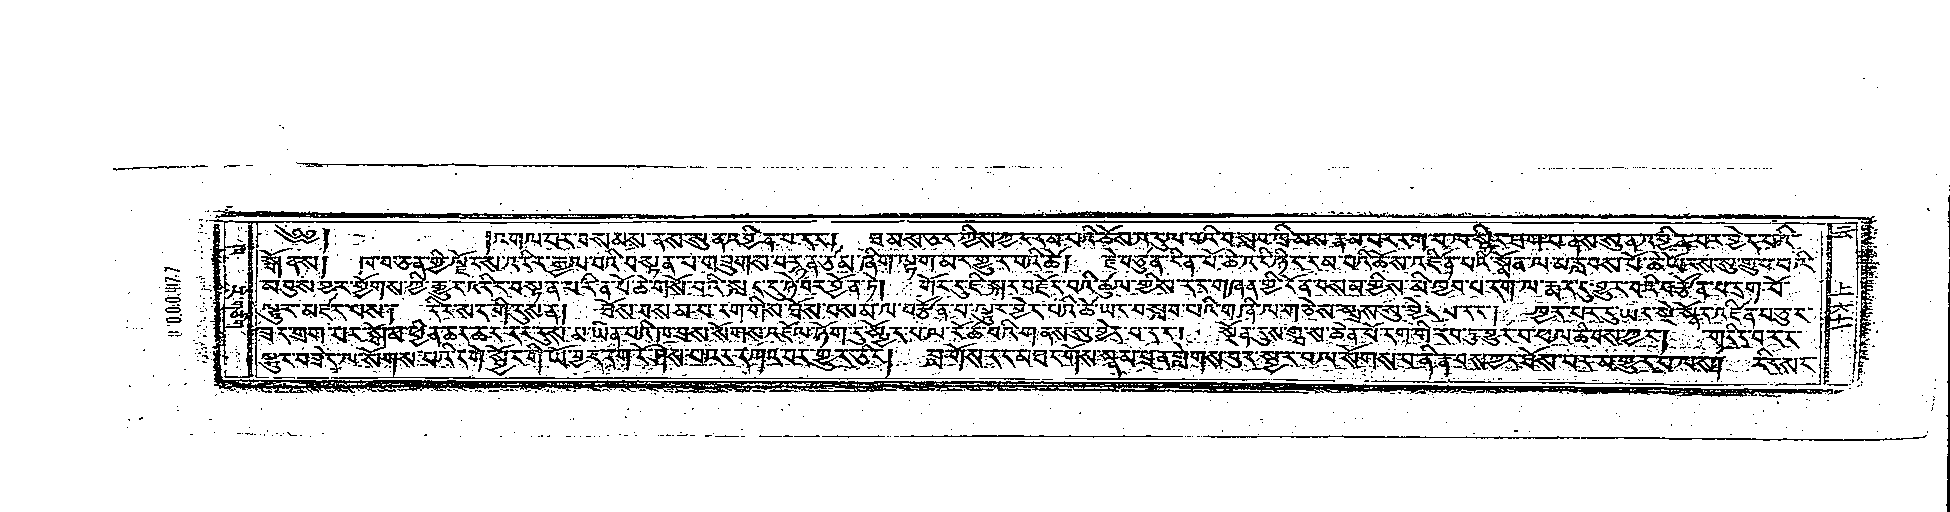༄༅། །འགལ་བར་བསམས་ནས་སུན་འབྱིན་པ་དང་། ཐམས་ཅད་ཀྱིས་ཀྱང་དམ་པའི་ཆོས་འདུལ་བའི་བསླབ་ཁྲིམས་རྣམ་པར་དག་བ་ལ་སྙིང་ཐག་པ་ནས་སུན་འབྱིན་པར་བྱེད་པའི་
སྒོ་ནས། ཁ་བ་ཅན་གྱི་ལྗོངས་འདིར་རྒྱལ་བའི་བསྟན་པ་གཟུགས་བརྙན་ཙམ་ཞིག་ལྷག་མར་གྱུར་བའི་ཚེ། རྗེ་བཙུན་རིན་པོ་ཆེའི་འདི་ཉིད་དམ་པའི་ཆོས་འཛིན་པའི་སྨོན་ལམ་རླབས་པོ་ཆེ་ཡོངས་སུ་གྲུབ་པའི་
མ་བུས་བྱང་ཕྱོགས་ཀྱི་རྒྱུད་འདིར་བསྟན་པ་རིན་པོ་ཆེ་གསོ་བའི་སླད་དུ་ཉེ་བར་བྱོན་ཏེ། གོང་དུ་ཇི་སྐད་བརྗོད་པའི་ཚུལ་གྱིས་རང་གཞན་གྱི་དོན་བསམ་གྱིས་མི་ཁྱབ་པ་དག་ལ་རྨད་དུ་བྱུང་བའི་བརྩོན་པ་དྲག་པོ་
ལྷུར་མཛད་པས། དིང་སང་གི་དུས་ན། ཐོས་བསམ་པ་དག་གིས་ཐོས་བསམ་ལ་བརྩོན་པ་ལྷུང་བྱེད་པའི་ཚེ་ཡང་བསླབ་པའི་གཞི་ལ་གཅེས་སྤྲས་སུ་བྱེད་པ་དང་། ཁྱད་པར་དུ་ཡང་སྡེ་སྣོད་འཛིན་པ་ཅུང་
ཟད་གྲག་པར་སྒོམ་ཕྱིན་ཆད་ཆང་དང་དུས་མ་ཡིན་པའི་ཁ་བྲས་སོགས་འཇོལ་ཉོག་དུ་སྤྱོད་པ་ལ་ངོ་ཚ་བའི་གནས་སུ་བྱེད་པ་དང་། སྔོན་དུས་གྲྭ་ས་ཆེན་པོ་དག་གི་རབ་ཏུ་བྱུང་པ་ཕལ་ཆིབས་ཀྱང་། གདིང་བ་དང་
ལྷུང་བཟེད་ལ་སོགས་པའི་དགེ་སྦྱོང་གི་ཡོ་བྱད་དག་ངོ་ཤེས་པའང་དཀའ་བར་གྱུར་ཅིང་། བླ་གོས་དང་མཐང་གོས་སྣམ་ཕྲན་གླེགས་བུར་སྦྱ་ར་བ་ལ་སོགས་པ་ནི་རྣ་བས་ཀྱང་ཐོས་པར་མ་གྱུར་པ་ལས། དིང་སང་